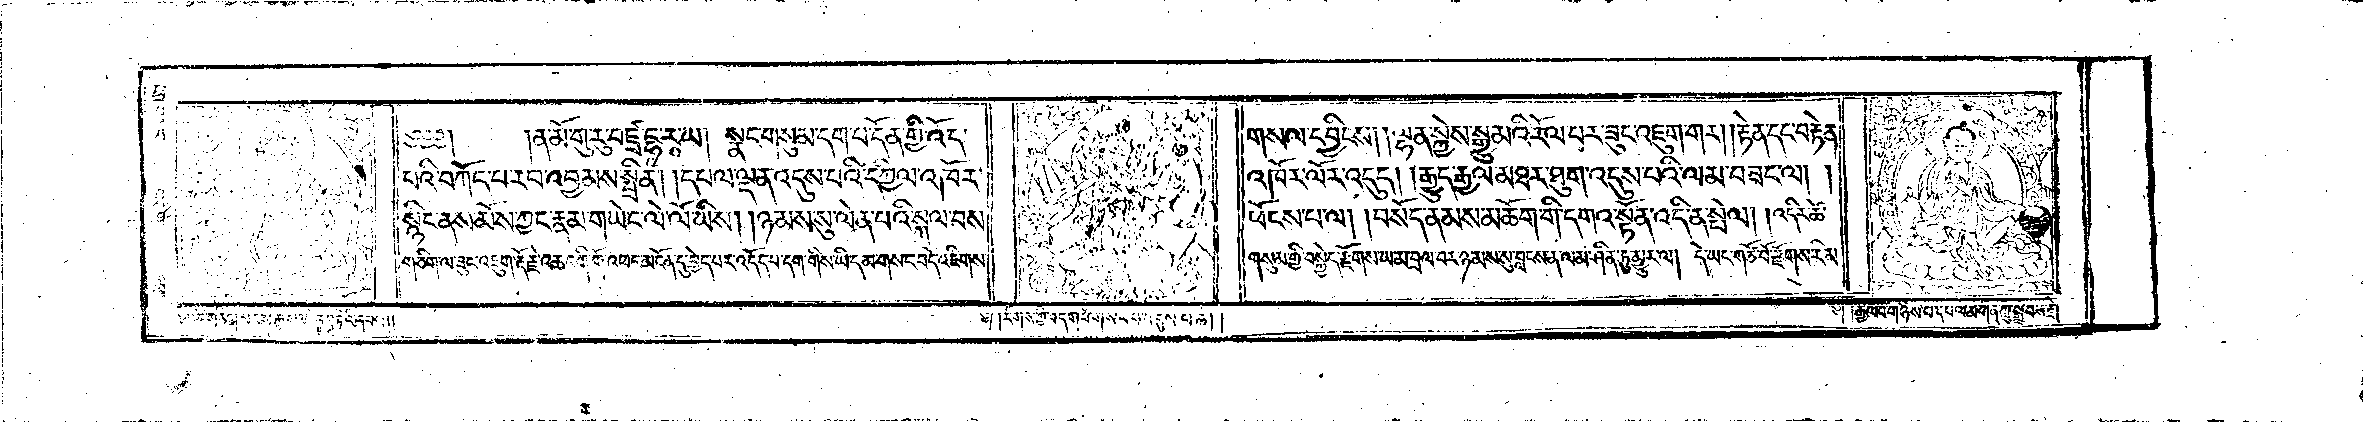༄༅༅། །ན་མོ་གུ་རུ་བཛྲ་དྷཱ་རཱ་ཡ། སྣང་གསུམ་དག་པ་དོན་གྱི་འོད་གསལ་དབྱིངས། །ལྷན་སྐྱེས་སྒྱུ་མའི་རོལ་བར་ཟུང་འཇུག་གར། །རྟེན་དང་བརྟེན་
པའི་བཀོད་པ་རབ་འབྱམས་སྤྲིན། །དཔལ་ལྡན་འདུས་པའི་དཀྱིལ་འཁོར་འཁོར་ལོར་འདུད། །རྒྱུད་རྒྱལ་མཐར་ཐུག་འདུས་པའི་ལམ་བཟང་ལ། །
སྙིང་ནས་མོས་ཀྱང་རྣམ་གཡེང་ལེ་ལོ་ཡིས། །ཉམས་སུ་ལེན་པའི་སྐལ་བས་ཕོངས་པ་ལ། །བསོད་ནམས་མཆོག་གི་དགའ་སྟོན་འདི་ན་སྤེལ། །འདིར་ཚེ་
གཅིག་ལ་ཟུང་འཇུག་རྡོ་རྗེ་འཆང་གི་གོ་འཕང་མངོན་དུ་བྱེད་པར་འདོད་པ་དག་གིས་ཡི་དམ་གསང་བདེ་འཇིགས་གསུམ་གྱི་བསྐྱེད་རྫོགས་ཡ་མ་བྲལ་བར་ཉམས་སུ་བླངས་ན་ལམ་ཤིན་ཏུ་མྱུར་ལ། དེ་ཡང་གཙོ་བོ་རྫོགས་རིམ་